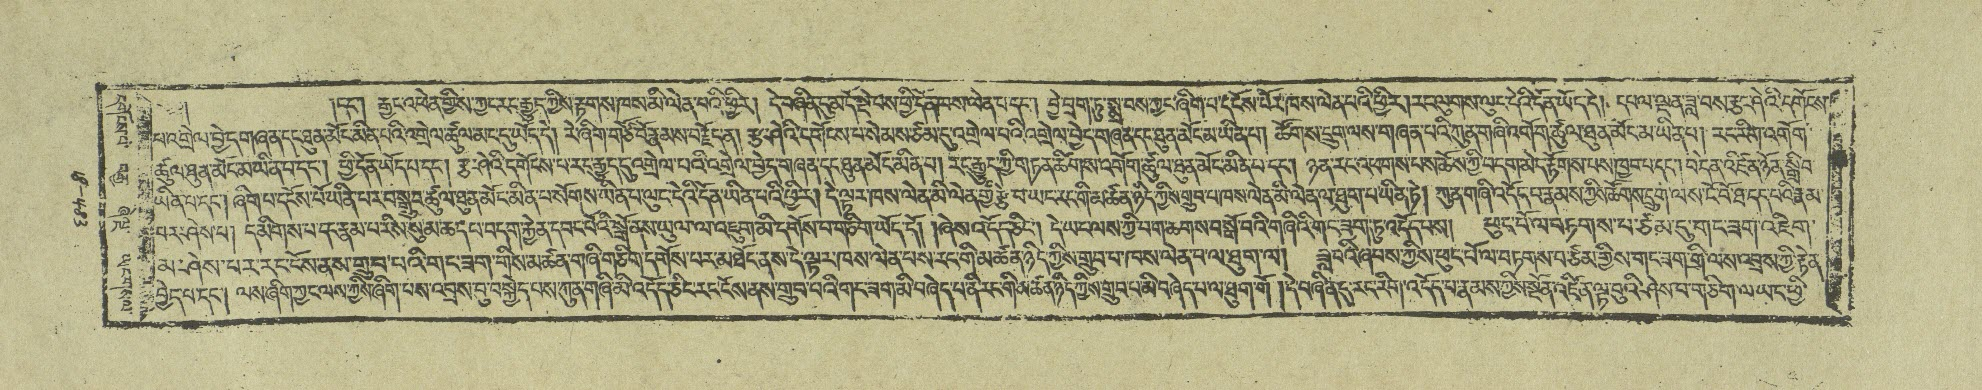༄༅། །དང་། རྒྱང་འཕེན་གྱིས་ཀྱང་རང་རྒྱུད་ཀྱིས་རྟགས་ཁས་མི་ལེན་པའི་ཕྱིར། དེ་བཞིན་དུ་མདོ་སྡེ་པས་ཕྱི་དོན་ཁས་ལེན་པ་དང་། བྱེ་བྲག་ཏུ་སྨྲ་བས་ཀྱང་ཞིག་པ་དངོས་པོར་ཁས་ལེན་པའི་ཕྱིར། རང་ལུགས་ལུང་དེའི་དོན་ཡོད་དེ། དཔལ་ལྡན་ཟླ་བས་རྩ་ཤེའི་དགོངས་
པ་འགྲེལ་བྱེད་གཞན་དང་ཐུན་མོང་མིན་པའི་འགྲེལ་ཚུལ་མང་དུ་ཡོད་དེ། རེ་ཞིག་གཙོ་བོ་རྣམས་བརྗོད་ན། རྩ་ཤེའི་དགོངས་པ་སེམས་ཙམ་དུ་འགྲེལ་པའི་འགྲེལ་བྱེད་གཞན་དང་ཐུན་མོང་མ་ཡིན་པ། ཚོགས་དྲུག་ལས་གཞན་པའི་ཀུན་གཞི་དགོག་ཚུལ་ཐུན་མོང་མ་ཡིན་པ། རང་རིག་འགོག་
ཚུལ་ཐུན་མོང་མ་ཡིན་པ་དང་། ཕྱི་དོན་ཡོད་པ་དང་། རྩ་ཤེའི་དགོངས་པ་རང་རྒྱུད་དུ་འགྲེལ་པའི་འགྲེལ་བྱེད་གཞན་དང་ཐུན་མོང་མིན་པ། རང་རྒྱུད་ཀྱི་གཏན་ཚིགས་འགོག་ཚུལ་ཐུན་མོང་མིན་མོང་མིན་ནན་རང་འཕགས་པས་ཆོས་ཀྱི་བདག་མེད་རྟོགས་པས་ཁྱབ་པ་དང་། བདེན་འཛིན་ཉོན་སྒྲིབ་
ཡིན་པ་དང་། ཞིག་པ་དངོས་པོ་ཡིན་པར་བསྒྲུབ་ཚུལ་ཐུན་མོང་མིན་པ་སོགས་ཡིན་པ་ལུང་དེའི་དོན་ཡིན་པའི་ཕྱིར། དེ་ལྟར་ཁས་ལེན་མི་ལེན་གྱི་རྩ་བ་ཡང་རང་གི་མཚན་ཉིད་ཀྱིས་གྲུབ་པ་ཁས་ལེན་མི་ལེན་ལ་ཐུག་པ་ཡིན་ཏེ། ཀུན་གཞི་འདོད་པ་རྣམས་ཀྱིས་ཚོགས་དྲུག་ལས་ངོ་བོ་ཐ་དད་པའི་རྣམ་
པར་ཤེས་པ། དམིགས་པ་དང་རྣམ་པ་རིས་སུ་མ་ཆད་པ་བདག་རྐྱེན་དབང་པོའི་སྒོ་ནས་ཡུལ་ལ་འཇུག་མི་དགོས་པ་གཅིག་ཡོད་དོ། །ཞེས་འདོད་ཅིང་། དེ་ཡང་ལས་ཀྱི་བག་ཆགས་བསྒོ་བའི་གཞིའི་གང་ཟག་ཏུ་འདོད་པས། ཕུང་པོ་ལ་བཏགས་པ་ཙམ་དུ་གང་ཟག་འཇོག་
མ་ཤེས་པར་རང་ངོས་ནས་གྲུབ་པའི་གང་ཟག་གིས་མཚན་གཞི་གཅིག་དགོས་པར་མཐོང་ནས་དེ་ལྟར་ཁས་ལེན་པས་རང་གི་མཚན་ཉིད་ཀྱིས་གྲུབ་པ་ཁས་ལེན་པ་ལ་ཐུག་ལ། ཟླ་བའི་ཞབས་ཀྱིས་ཕུང་པོ་ལ་བཏགས་པ་ཙམ་གྱིས་གང་ཟག་གི་ལས་འབྲས་ཀྱི་རྟེན་
བྱེད་པ་དང་། ལས་ཞིག་ཀྱང་ལས་ཀྱིས་ཞིག་པས་འབྲས་བུ་བསྐྱེད་པས་ཀུན་གཞི་མི་འདོད་ཅིང་རང་ངོས་ནས་གྲུབ་པའི་གང་ཟག་མི་བཞེད་པ་ནི་རང་གི་མཚན་ཉིད་ཀྱིས་གྲུབ་པ་མི་བཞེད་པ་ལ་ཐུག་གོ །དེ་བཞིན་དུ་རང་རིག་འདོད་པ་རྣམས་ཀྱིས་སྔོན་འཛིན་ལྟ་བུའི་ཤེས་པ་གཅིག་ལ་ཡང་ཕྱི་